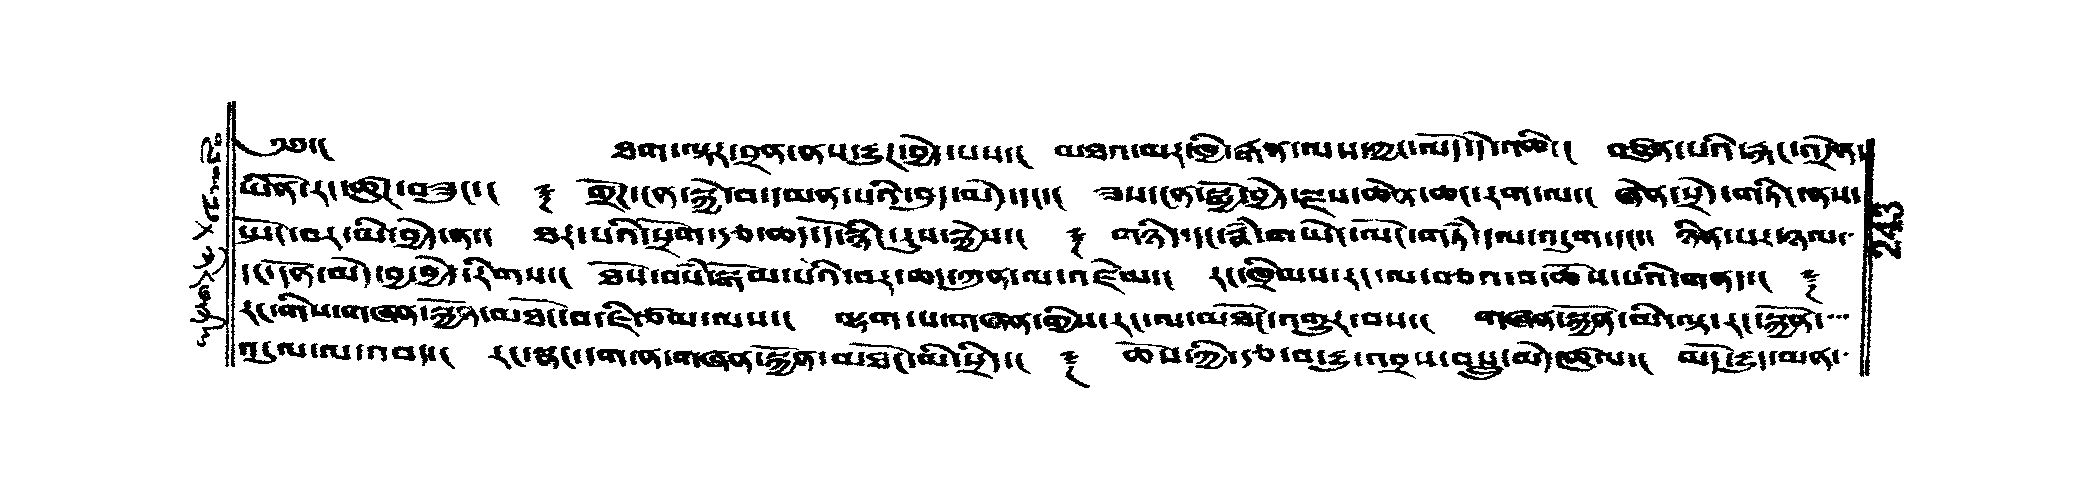ཐགས་ལྟར་བྲན་ནས་རྒྱུག་བྱེད་པས། །མཐའ་མར་ཁྱི་རྒན་ལས་ཀྱང་ལོད་དེ་འཆི། །བཙུན་པའི་རྐང་འདྲེན་
ཡིན་ནོ་རང་ཚུགས་བཟུང་། ༈ གྲོགས་ངན་སྐྱེ་བ་དམན་པའི་བུད་མེད་དང་། །ཟས་ངན་སྨྱོ་བྱེད་རྫས་ཆེན་ཆང་རག་ལ། །ཞེན་སྲེད་གཏིང་ནས་
སྤོང་བར་མི་བྱེད་ན། །ཐར་པའི་སྲོག་རྩ་ཆད་དོ་སྙིང་རུས་སྐྱེད། ༈ གཉིད་དང་རྣམ་གཡེ་ལོང་གཏམ་དལ་འདུག་དང་། །ཉིན་པར་ཉལ་
དང་དོན་མེད་བྱ་བྱེད་རིགས། །ཐོས་བསམ་སྒོམ་པའི་བར་ཆད་ཀུན་ལ་འཛེམ། །རང་ཁྲིམས་རང་ལ་བཅས་པ་ཆོས་པའི་གནད།༈ 
རང་གིས་གཞན་སྐྱོན་མཐོང་བ་ཇི་ཙམ་ལས། །ལྷག་པ་གཞན་གྱིས་རང་ལ་མཐོང་འགྱུར་བས། །གཞན་སྐྱོན་མི་ལྟ་རང་སྐྱོང་
འདུལ་ལ་འབད། །རང་སྣང་དག་ན་གཞན་སྐྱོན་མཐོང་མི་སྲིད། ༈ ཆོས་ཀྱི་རྩ་བ་རྒྱུ་འབྲས་བསླུ་མེད་ཚུལ། །མདོ་རྒྱུད་མན་